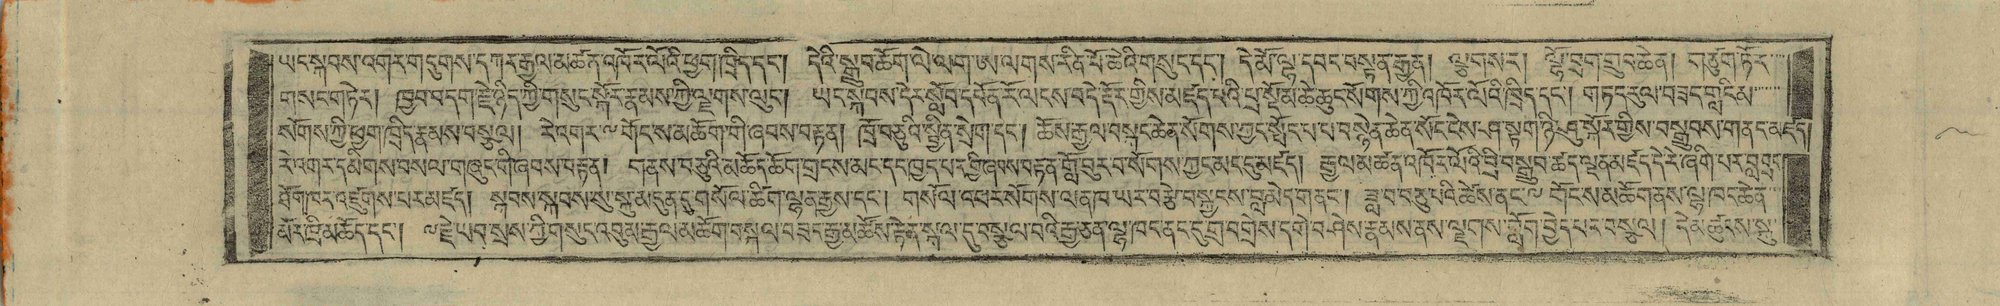ཡང་སྐབས་འགར་གདུགས་དཀར་རྒྱལ་མཚན་འཁོར་ལོའི་ཕྱག་ཁྲིད་དང་། དེའི་སྒྲུབ་ཆོག་ལེ་ལག་ཨ་ལགས་རིན་པོ་ཆེའི་གསུང་དང་། དེ་མོ་ལྷ་དབང་བསྟན་རྒྱན། ལྕགས་ར། ལྷོ་དྲག་གྲུབ་ཆེན། གཙུག་ཏོར་
གསང་གཏེར། ཁྱབ་བདག་རྗེ་ཉིད་ཀྱི་གསུང་སྐོར་རྣམས་ཀྱི་ལྗགས་ལུང་། ཡང་སྐབས་དེར་སློབ་དཔོན་རོ་ལངས་བདེ་རྡོར་གྱིས་མཛད་པའི་པྲ་སྡོམ་ཆེ་ཆུང་སོགས་ཀྱི་འཁོར་ལོའི་ཁྲིད་དང་། གཏད་རུལ་བཟང་གླིང་མ་
སོགས་ཀྱི་ཕྱག་ཁྲིད་རྣམས་བསྩལ། རེ་འགར་༧་གོང་ས་མཆོག་གི་ཞབས་བརྟན། ཁྲོ་བཅུའི་སྦྱིན་སྲེག་དང་། ཆོས་རྒྱལ་བསྐང་ཆེན་སོགས་ཀྱང་སྤོང་པ་པ་བསྙེན་ཆེན་སོང་ངེས་ཤ་སྟག་ཉི་ཤུ་སྐོར་གྱིས་བསྒྲུབས་གནང་མཛད་
རེ་འགར་དམིགས་བསལ་གཞུང་གི་ཞབས་བརྟན། གནས་བཅུའི་མཆོད་ཆོག་གྲངས་མང་དང་ཁྱད་པར་བྱི་ཞབས་བརྟན་གློ་བུར་བ་སོགས་ཀྱང་མང་དུ་མཛད། རྒྱལ་མཚན་འཁོར་ལོའི་བྲི་བསྒྲུབ་ཚད་ལྡན་མཛད་དེ་རེ་ཞིག་པར་བླ་བྲང་
ཐོག་ཁར་འཛུགས་པར་མཛད། སྐབས་སྐབས་སུ་སྐུ་མདུན་དུ་གསོལ་ཚིག་ལྷན་རྒྱས་དང་། གསོལ་འཕར་སོགས་ལན་ཁ་ཡར་བརྩེ་བསྐྱངས་བླ་མེད་གནང་། ཟླ་བ་བཅུ་པའི་ཚེས་ནང་༧་གོང་ས་མཆོག་ནས་ལྷ་ཁང་ཆེན་
མོར་ཁྲི་མཆོད་དང་། ༧་རྗེ་ཡབ་སྲས་ཀྱི་གསུང་འབུམ་རྒྱལ་མཆོག་བསྐལ་བཟང་རྒྱ་མཚོས་རྟེན་སྐལ་དུ་བསྩལ་བའི་རྒྱ་ཅན་ལྷ་ཁང་ནང་དུ་གྲ་བགྲེས་དགེ་བཤེས་རྣམས་ནས་ལྗགས་ཀློག་བྱེད་པར་བསྩལ། དེ་མཚུངས་སྐུ་